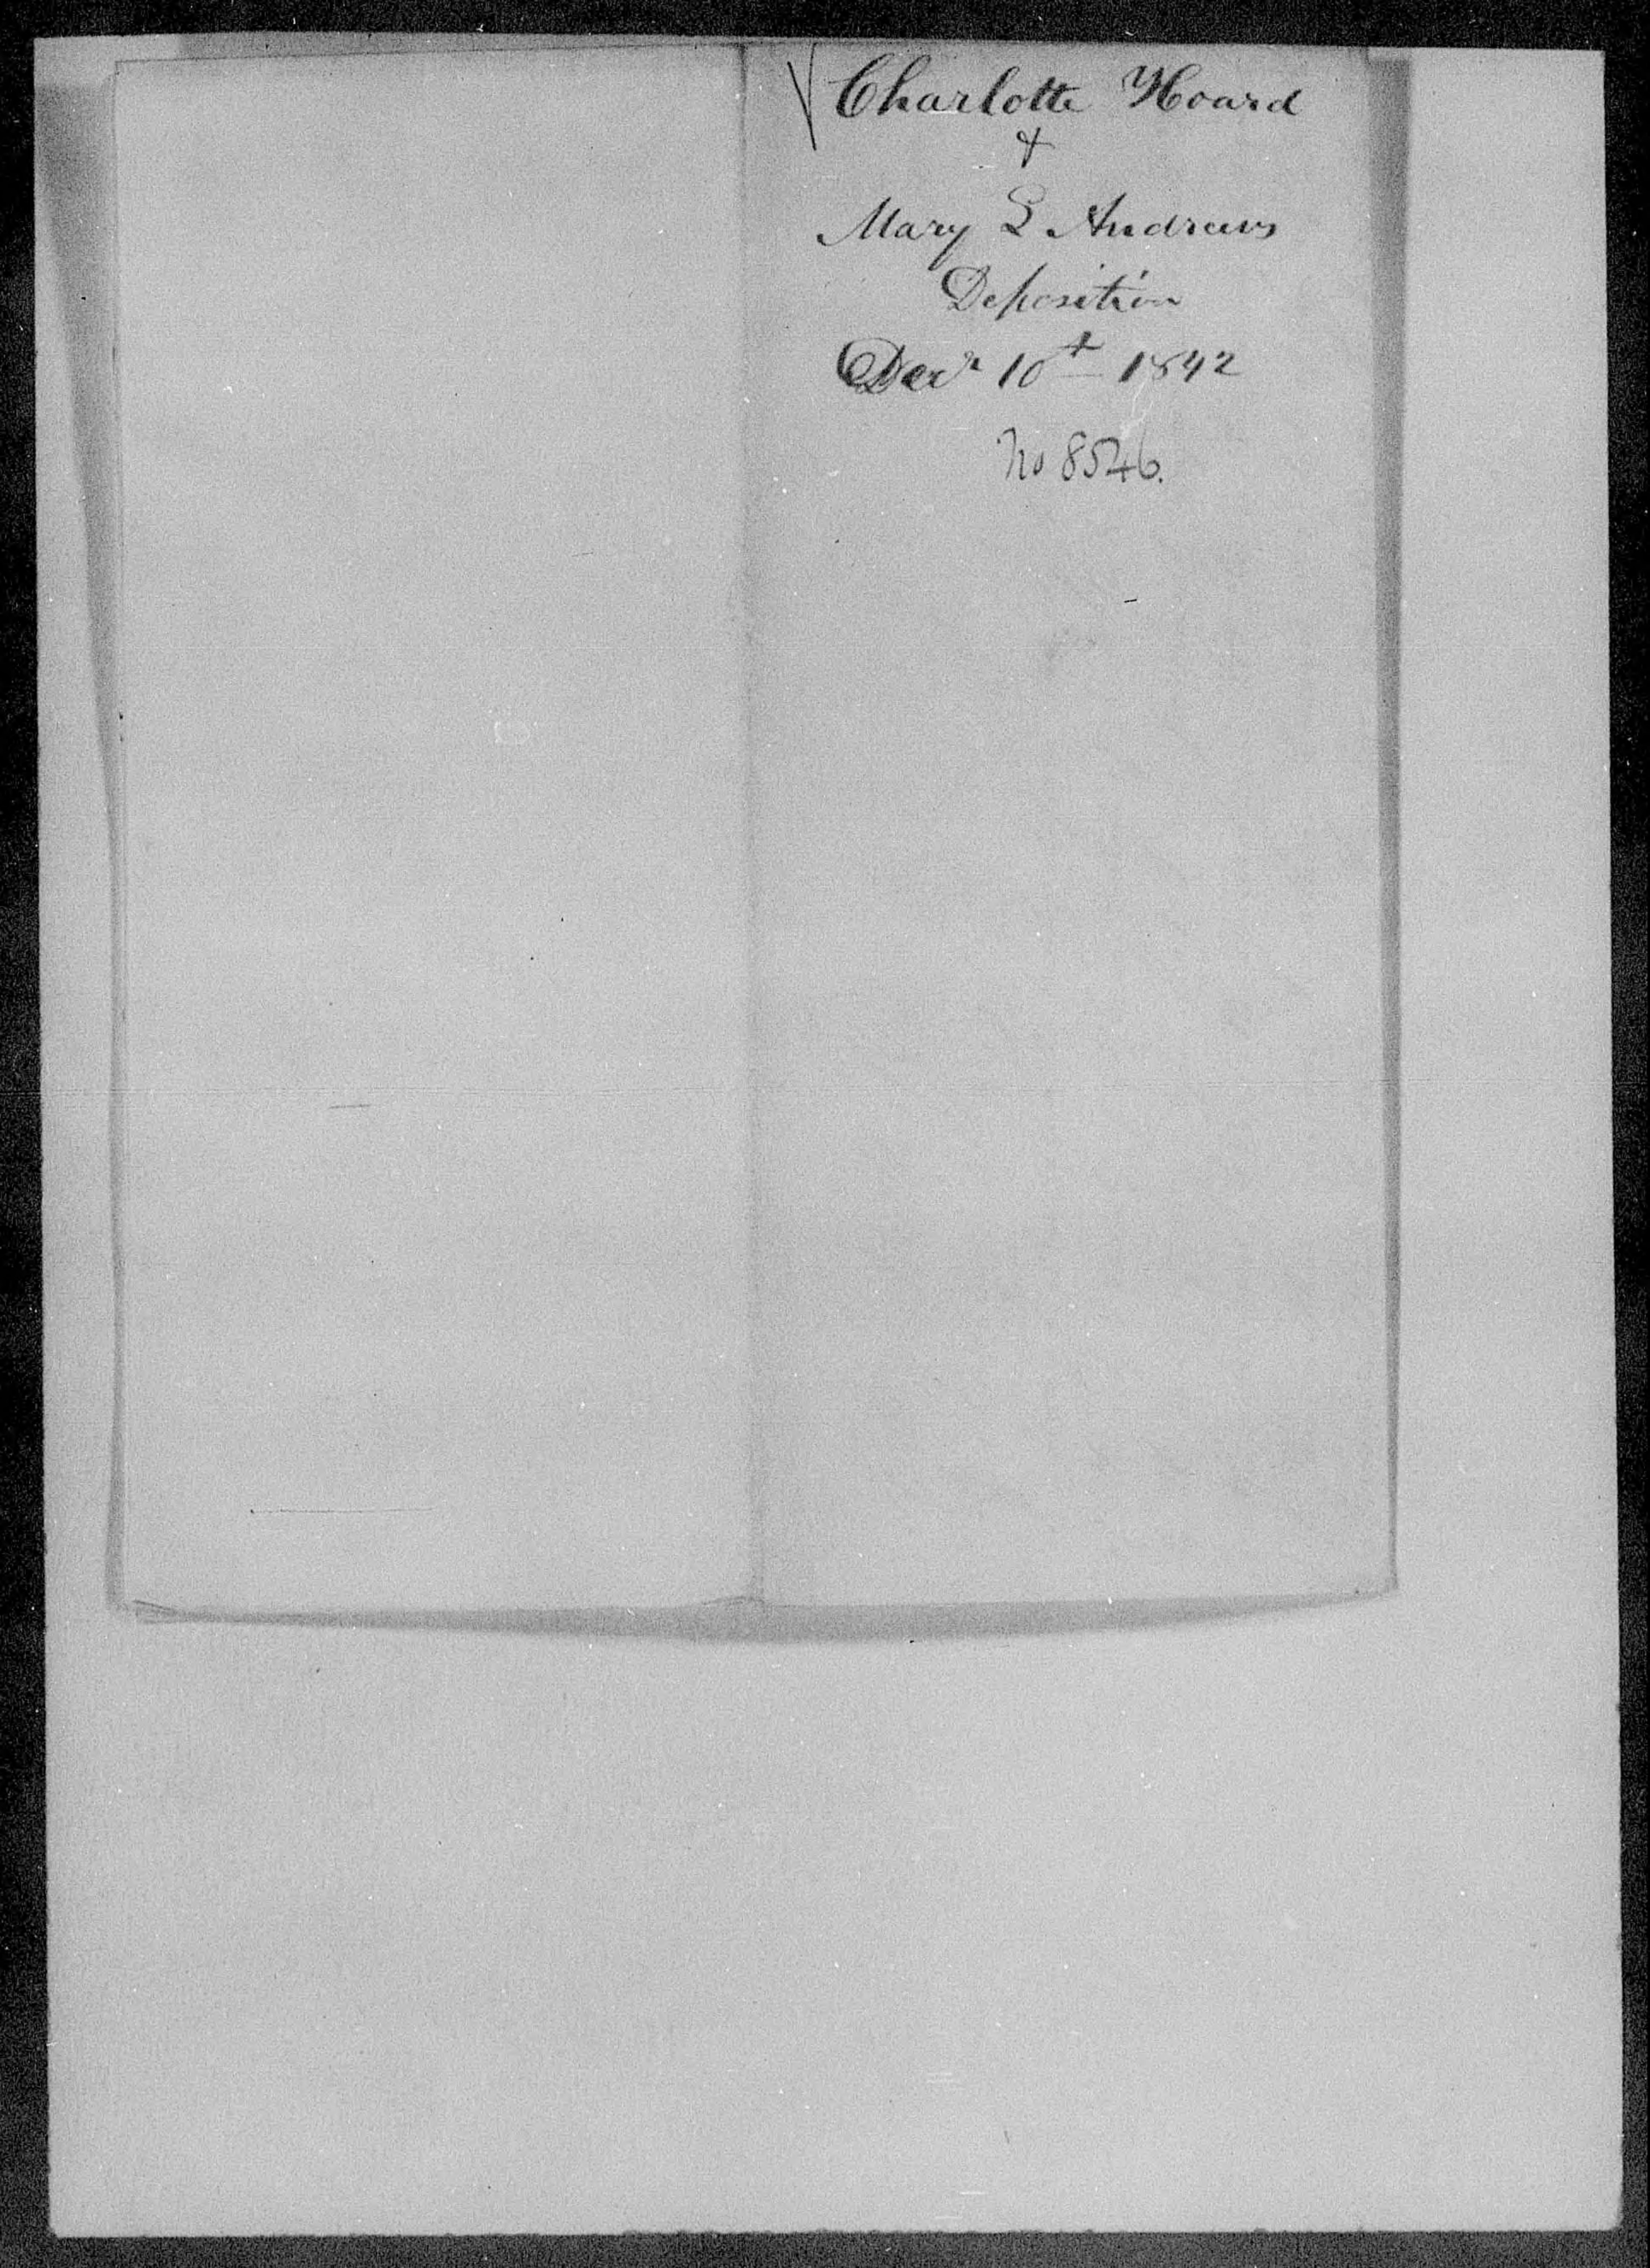Charlotte Hoard 
&
Mary L Andrews
Deposition
Decr 10th 1842
No 8546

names: Mary L Andrews, Charlotte Hoard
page: 14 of 52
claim: widow's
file: W 19755, Jonathan Hoard, Mass.